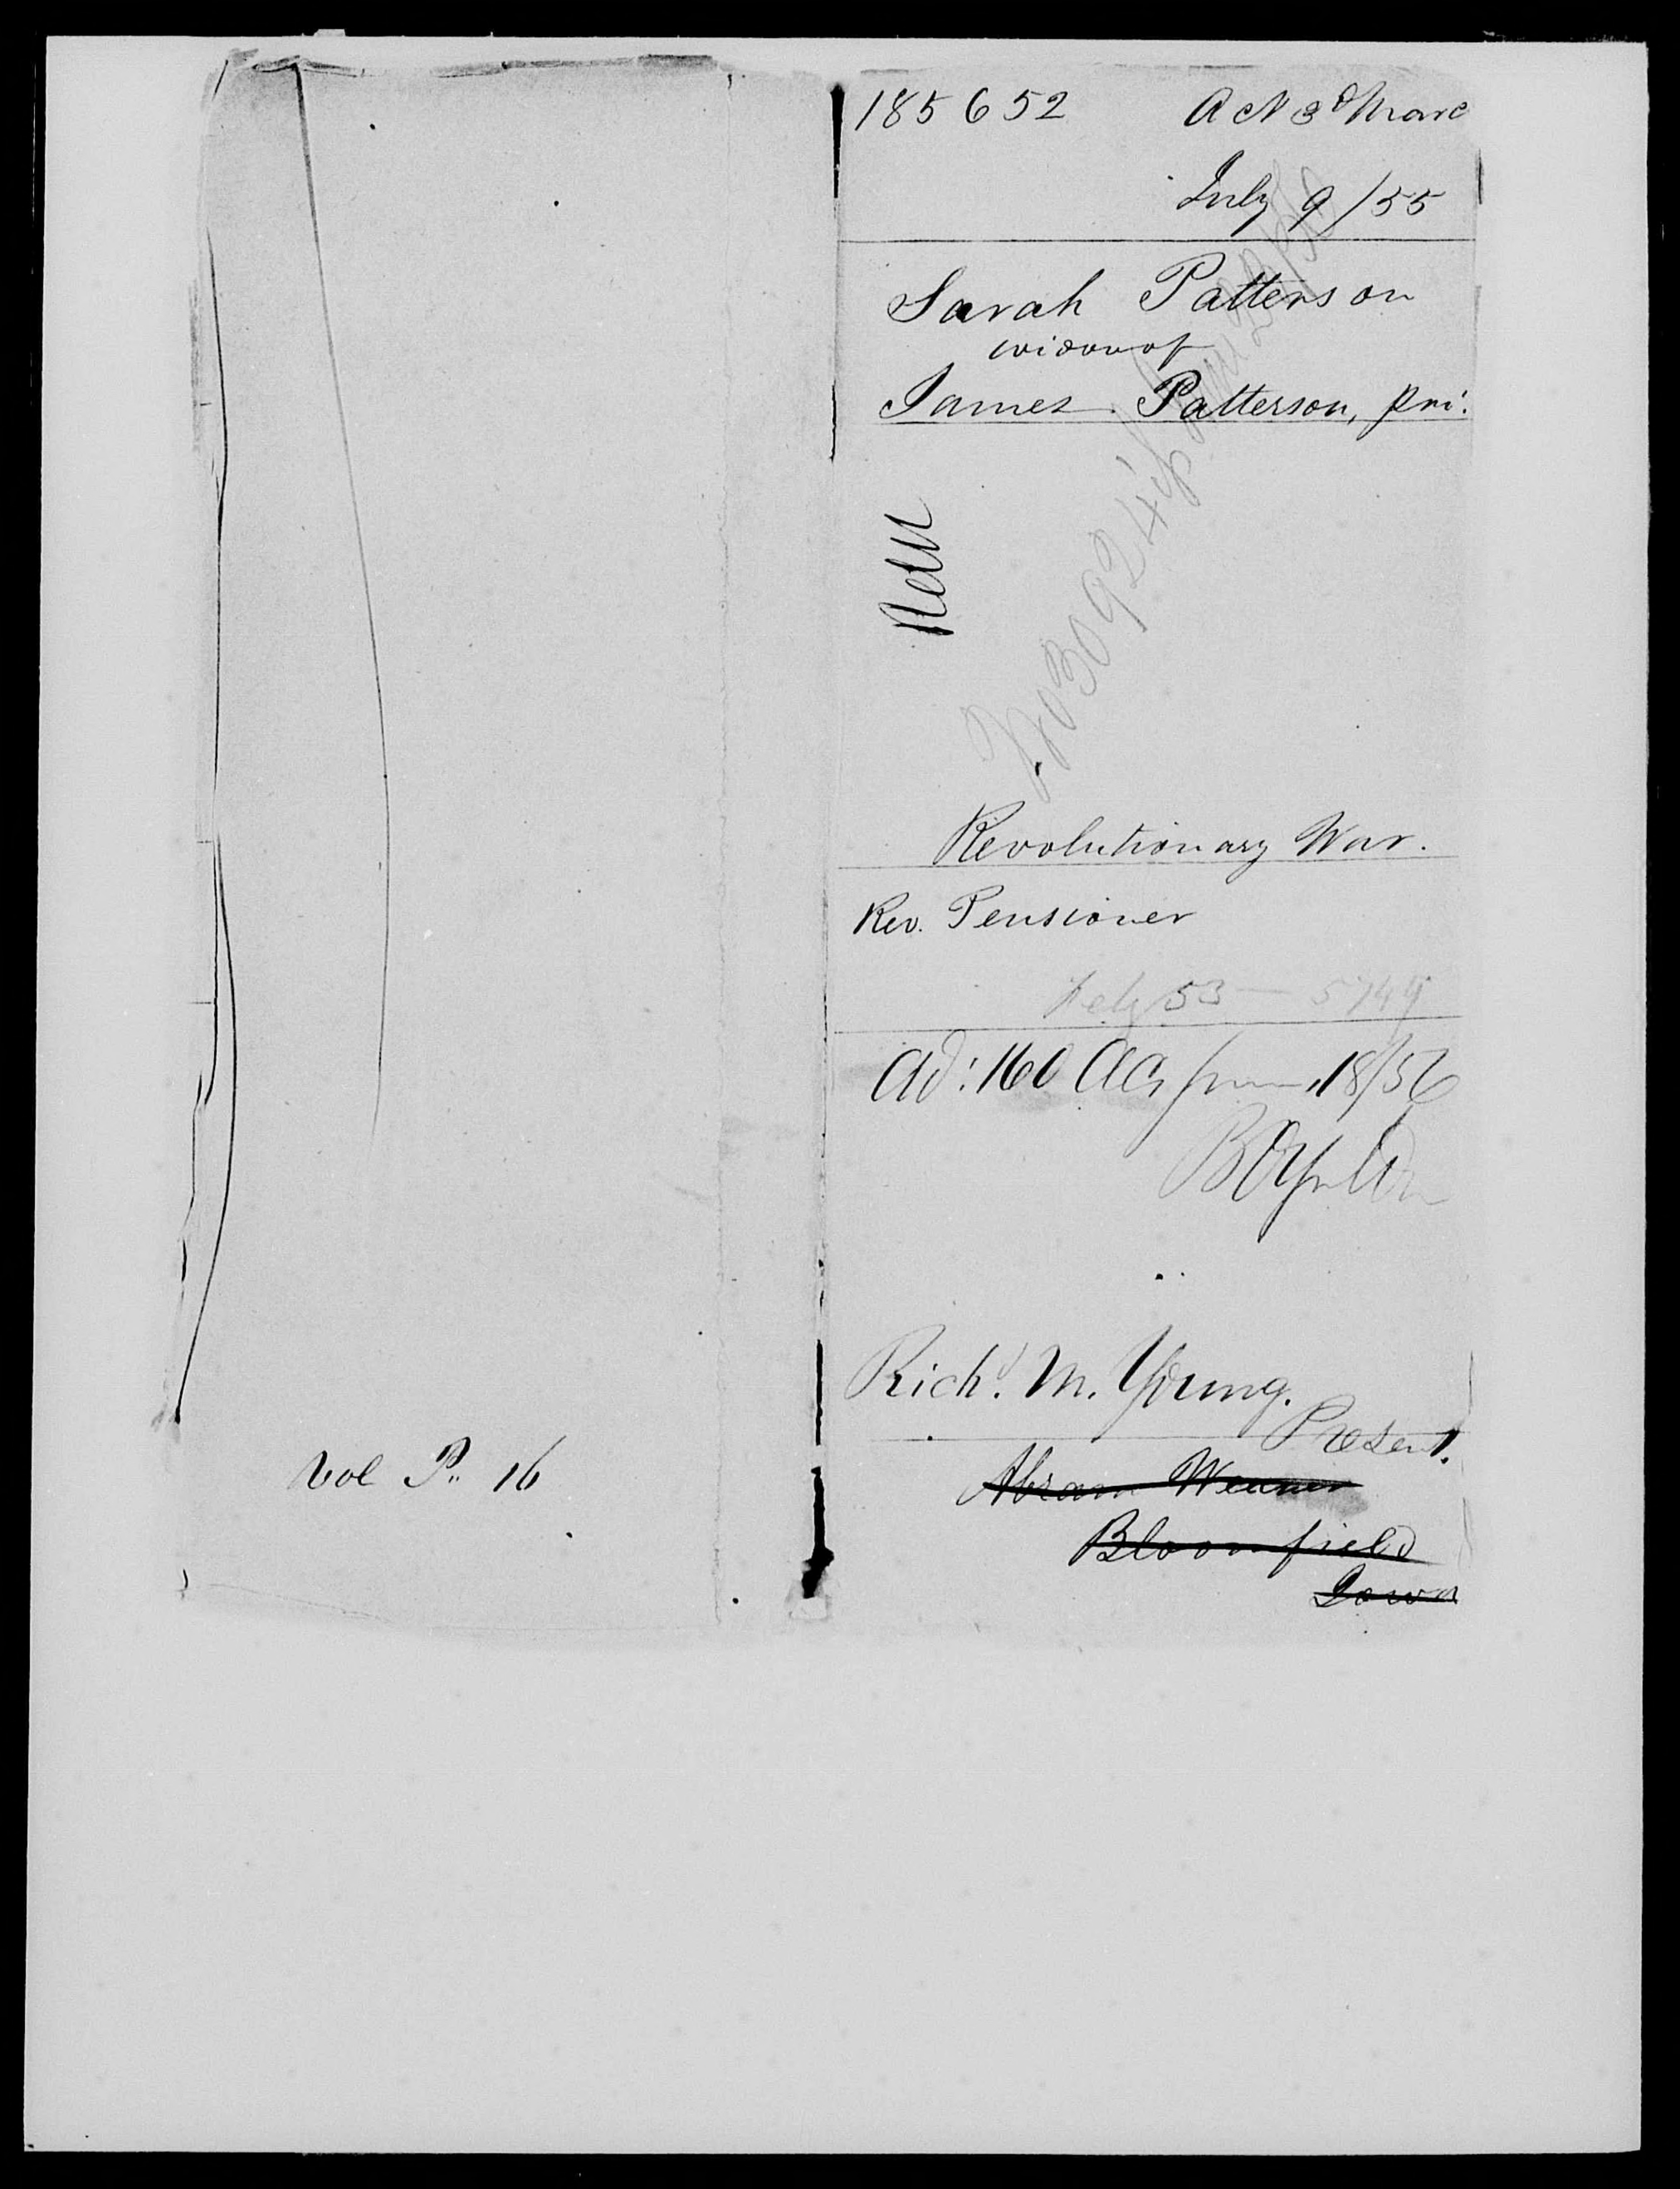185652  Act & Name
July 9/55
Sarah Patterson 
widow of 
James Patterson, pri:
Revolutionary War
Rev. Pensioner
Feby 53 – 5744
Ad: 160 AG from, 18/56
Boynton
Rich. M. Young. Present
[following crossed out]
Abram Weaver
Bloomfield
Iowa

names: James Patterson; [BLANK] Boynton; Richd M Young; Abram Weaver; Sarah Patterson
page: 4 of 69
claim: widow's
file: W. 10861, for James Patterson, North Carolina